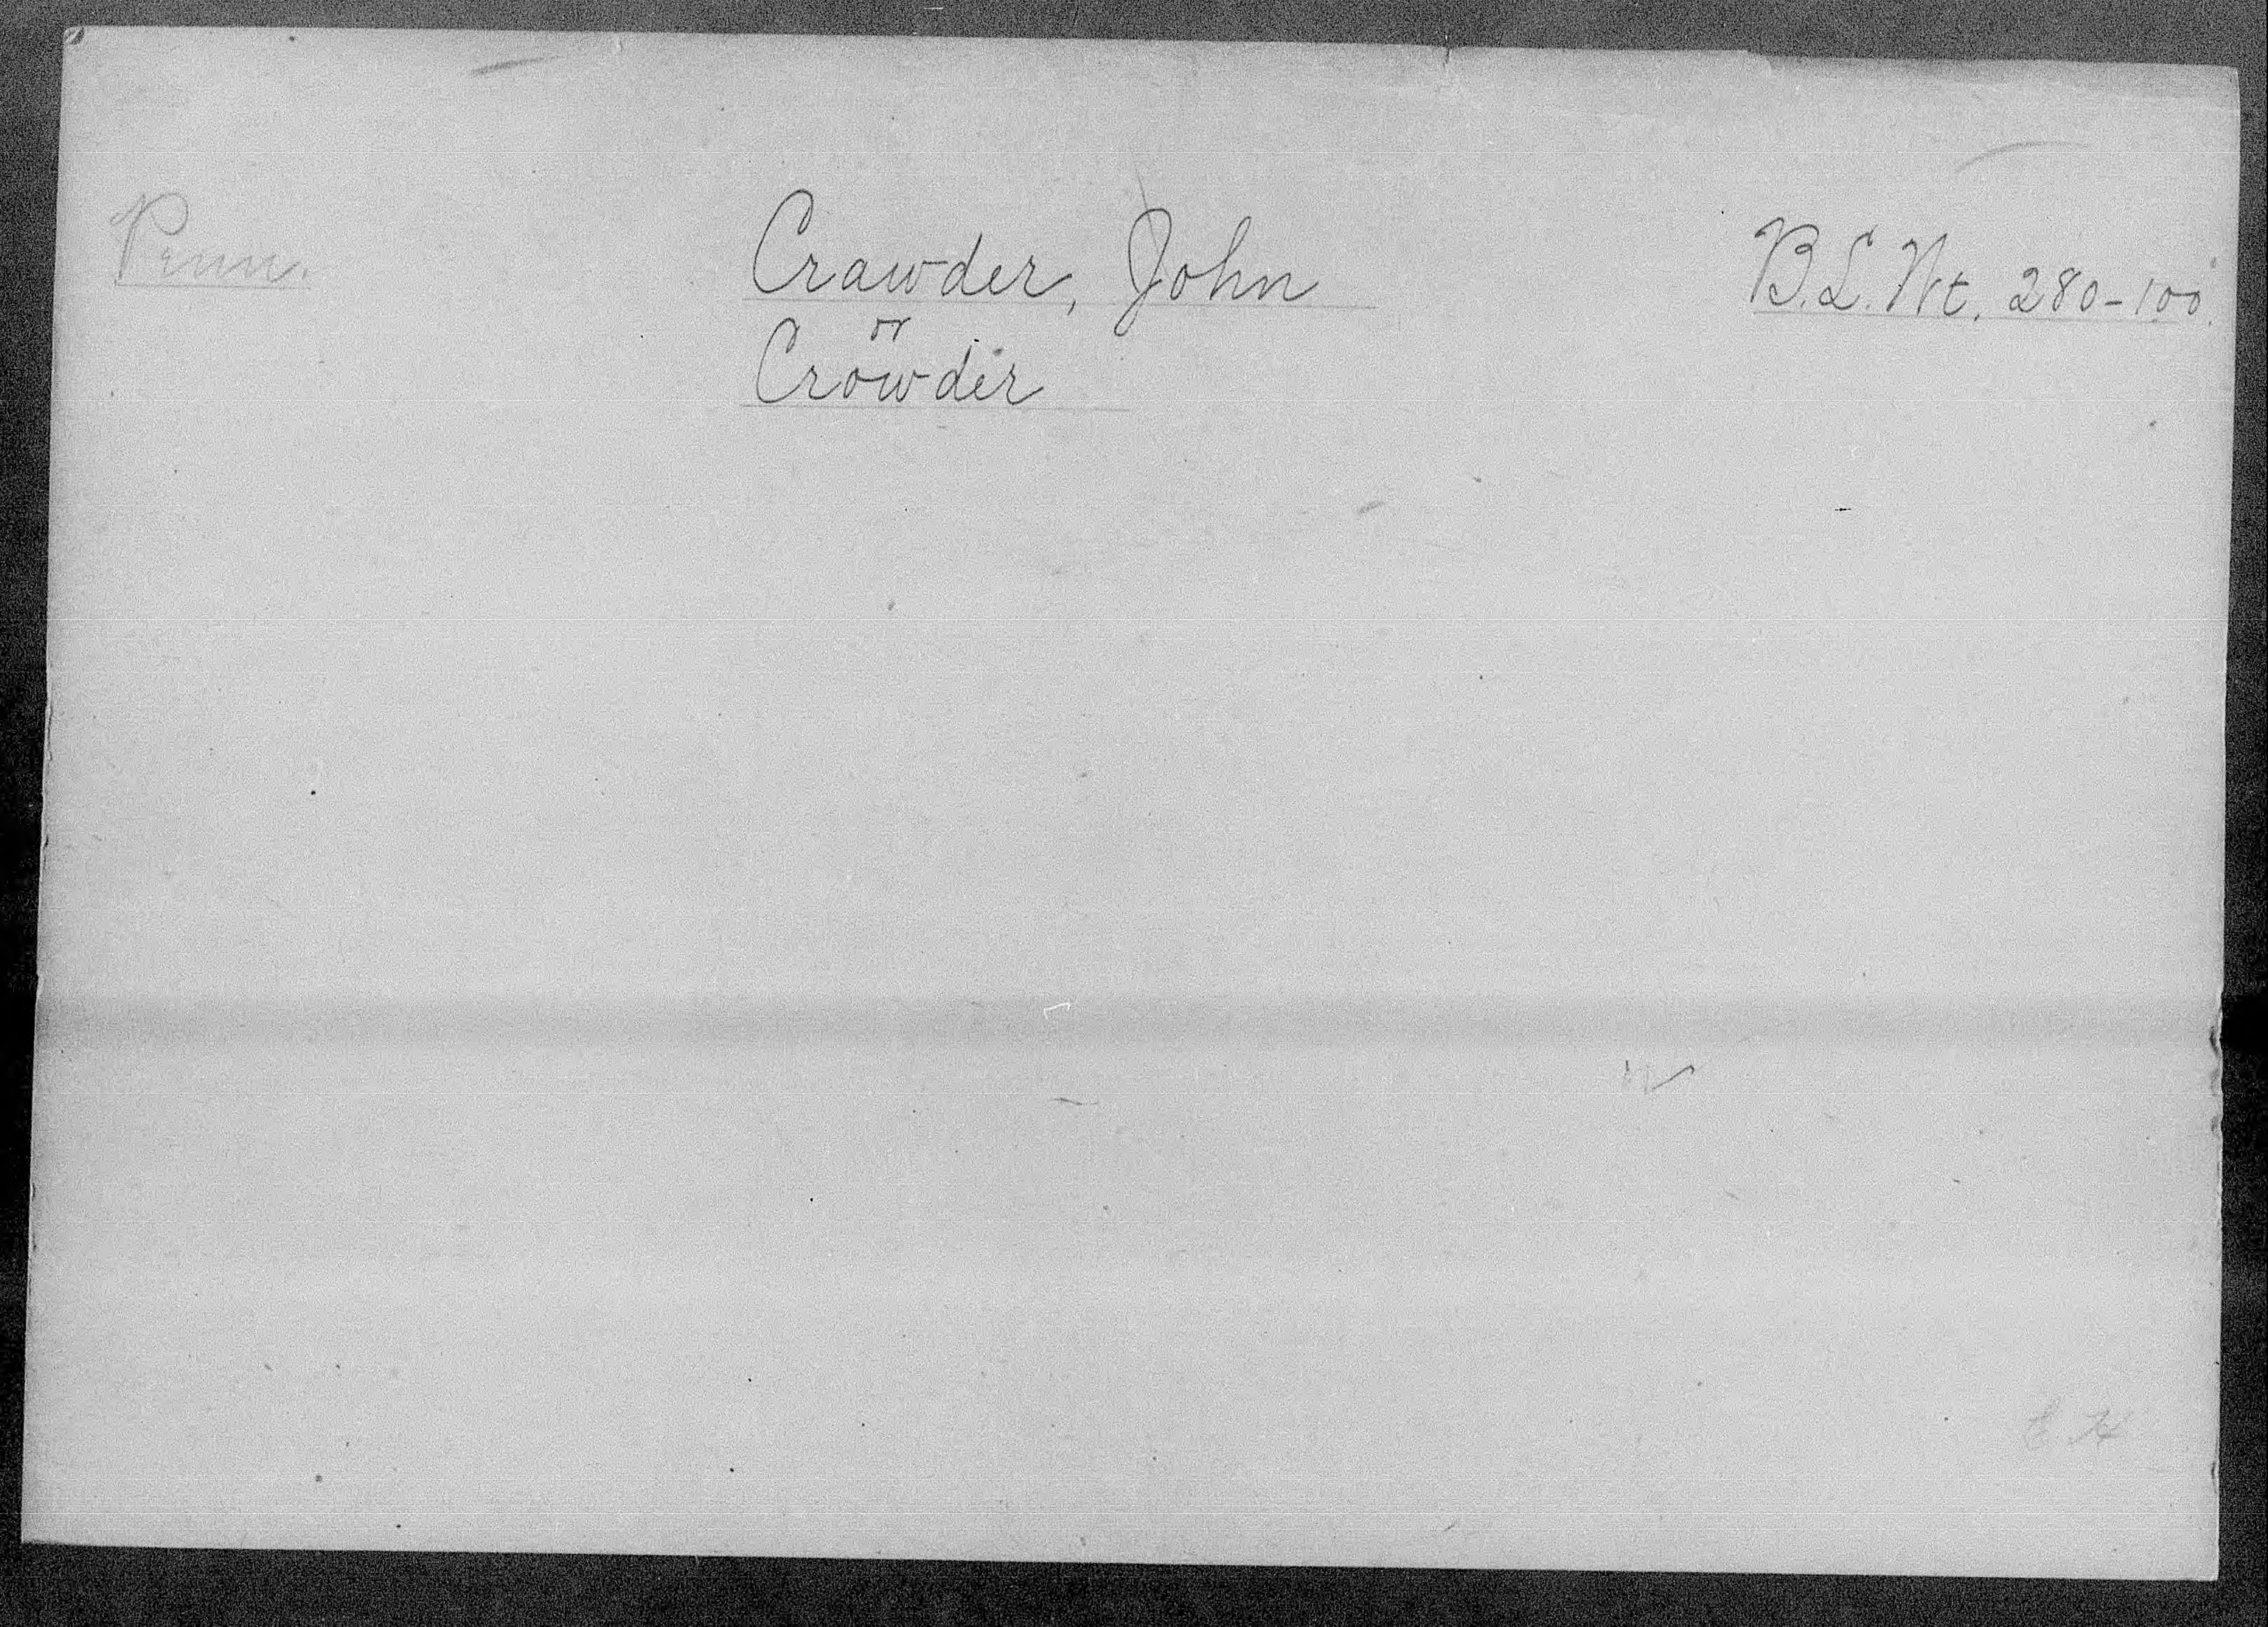Penn.

Crawder, John
or
Crowder

B.L.Wt. 280-100

[bottom right corner] LH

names: John Crowder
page: 1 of 1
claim: bounty land warrant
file: B. L. Wt. 280-100, John Crawder, Penn.